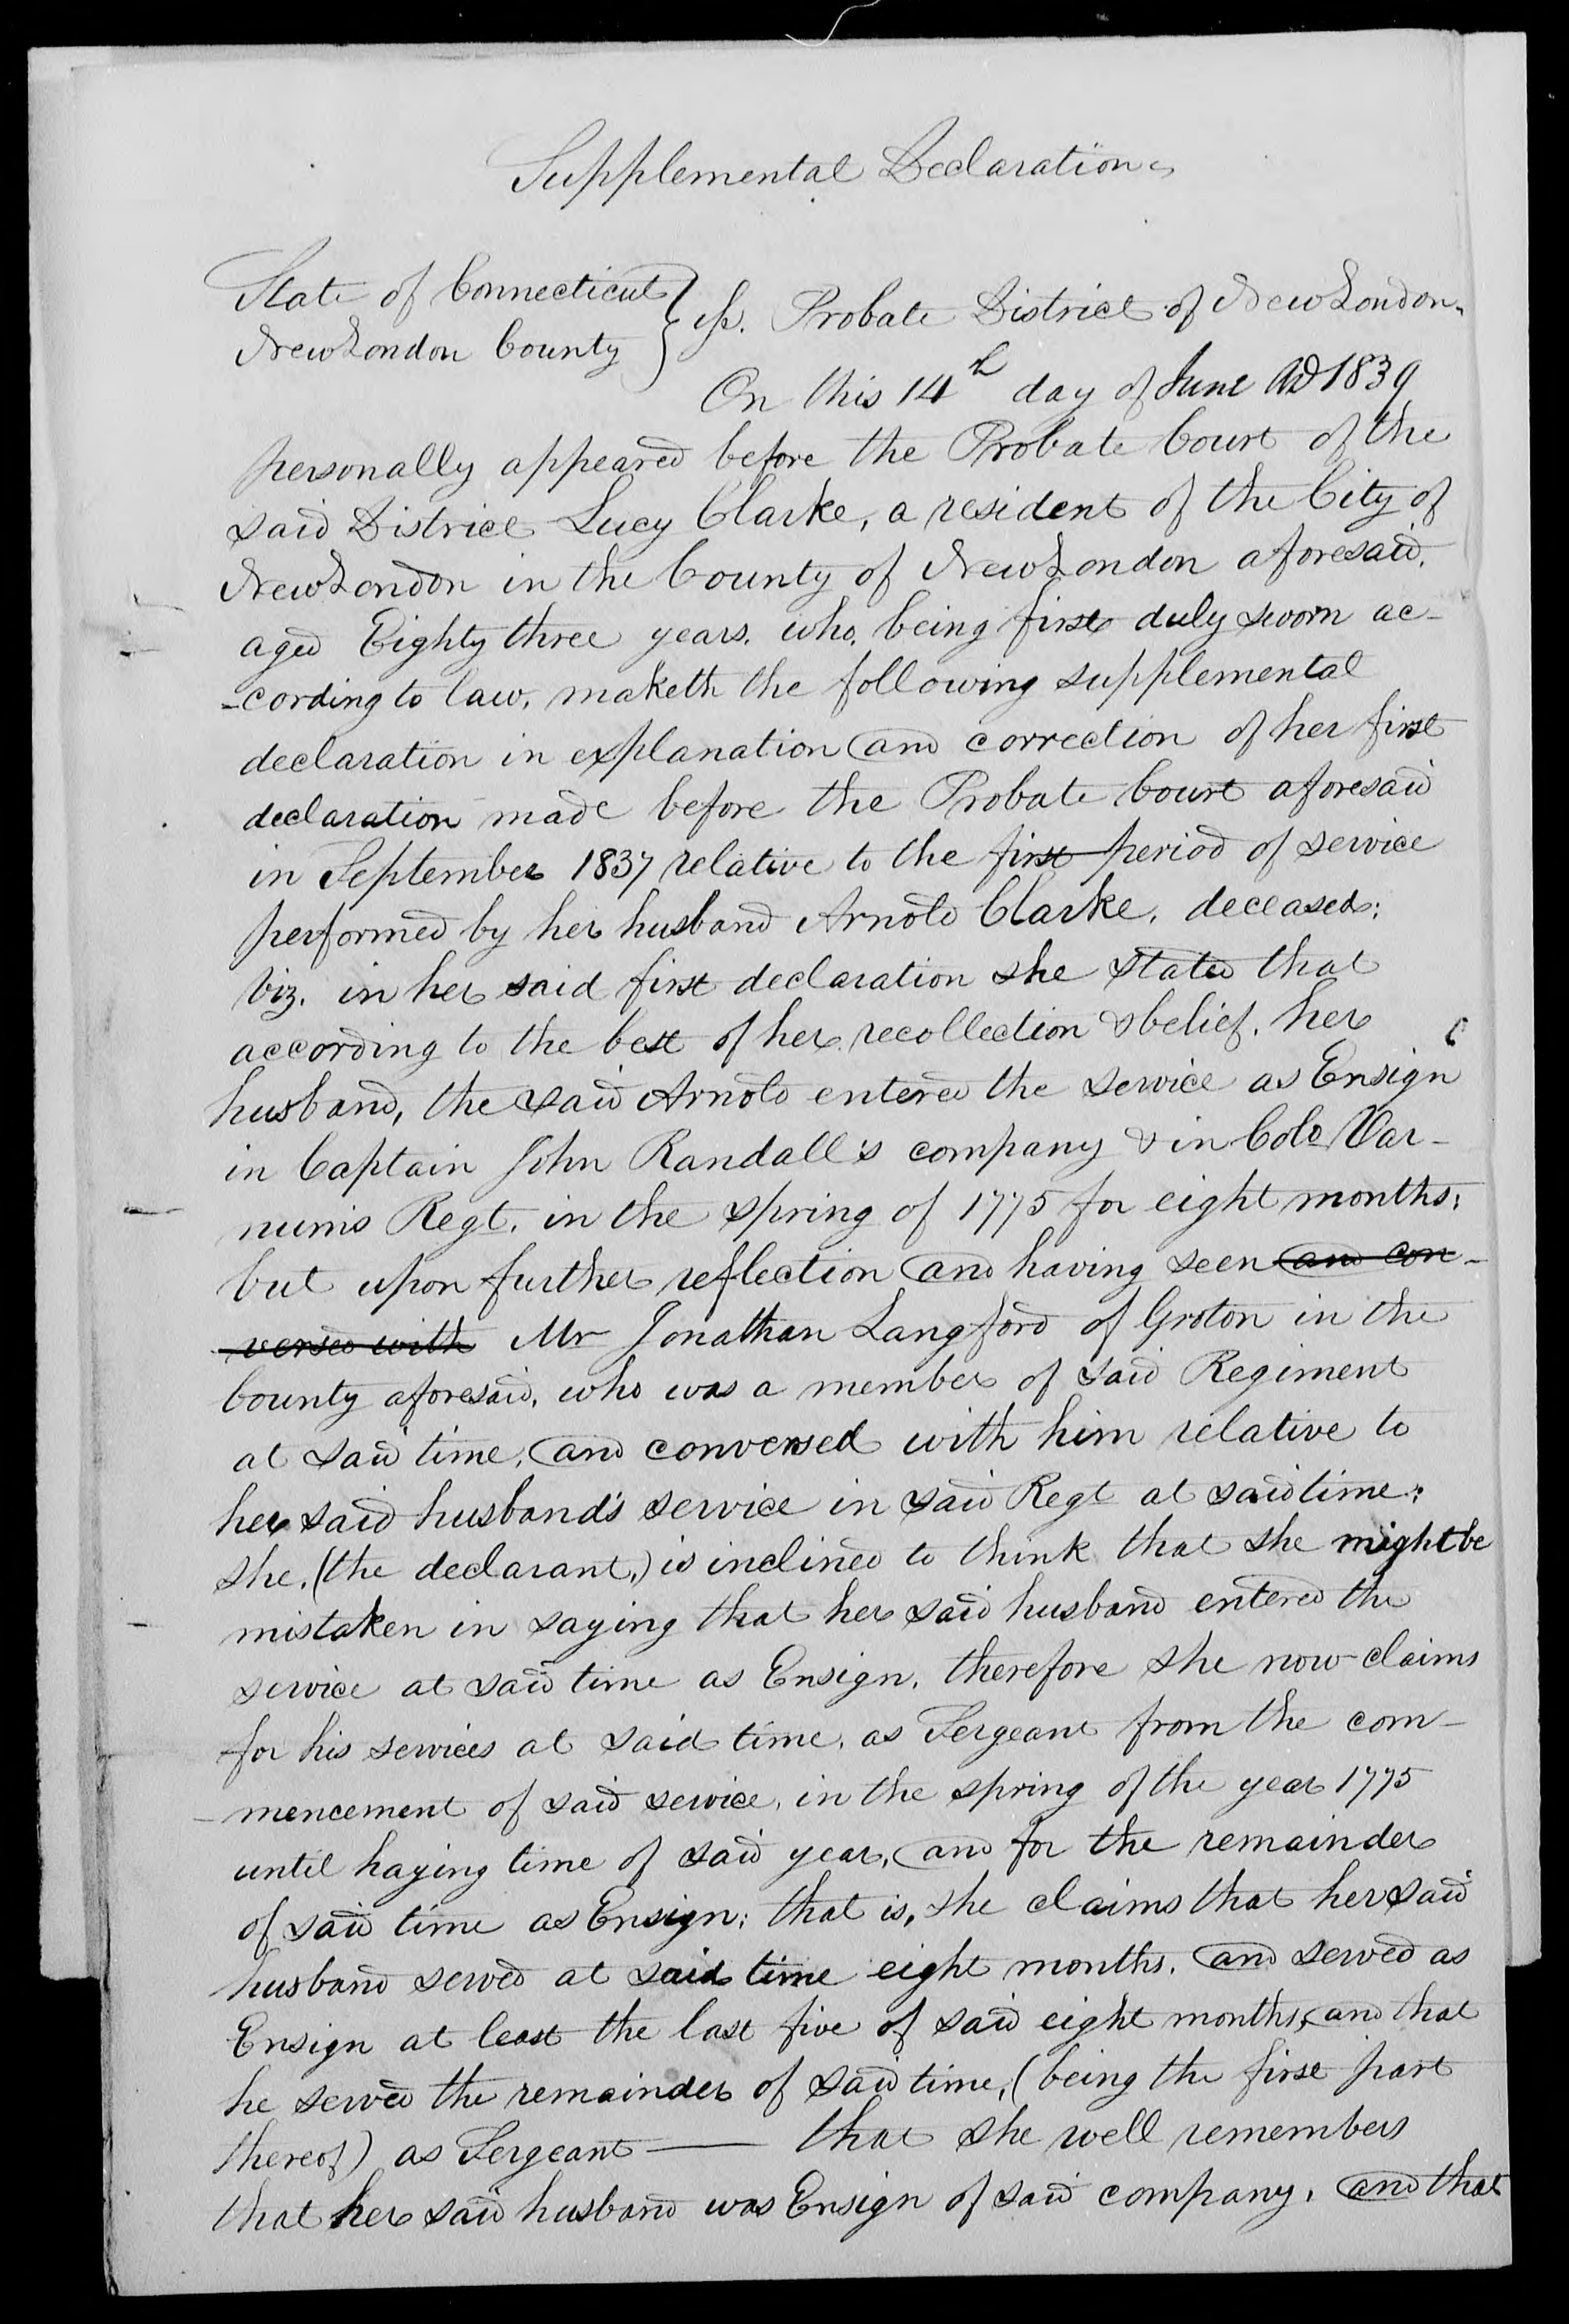Supplemental Declaration
State of Connecticut New London County ss
Probate District of New London
On this 14th day of June AD 1839 personally appeared before the Probate Court of the said District Lucy Clarke, a resident of the City of New London in the county of New London aforesaid, aged eighty three years, who, being first duly sworn according to law, maketh the following supplemental declaration in explanation and correction of her first declaration made before the Probate Court aforesaid in September 1837 relative to the first period of service performed by her husband Arnold Clarke, deceased; viz. in her said first declaration she stated that according to the best of her recollection & belief, her husband, the said Arnold entered the service as Ensign in Captain John Randall's company & in Cole Varnum's Regt. in the spring of 1775 for eight months; but upon further reflection and having seen Mr. Jonathan Langford of Groton in the county aforesaid, who was a member of said Regiment at said time, and conversed with him relative to her said husband's service in said Regt at said time, she, (the declarant,) is inclined to think that she might be mistaken in saying that her said husband entered the service at said time as Ensign. Therefore she now claims for his services at said time, as Sergeant from the commencement of said service, in the spring of the year 1775 until haying time of said year, and for the remainder of said time as Ensign. That is, she claims that her said husband served at said time eight months, and served as Ensign at least the last five of said eight months, and that he served the remainder of said time, (being the first part thereof) as Sergeant. That she well remembers that her said husband was Ensign of said company, and that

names: Jonathan Langford, Lucy Clarke, Arnold Clarke, Arnold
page: 7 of 48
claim: widow's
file: W. 17,628, Arnold Clarke, R.I.